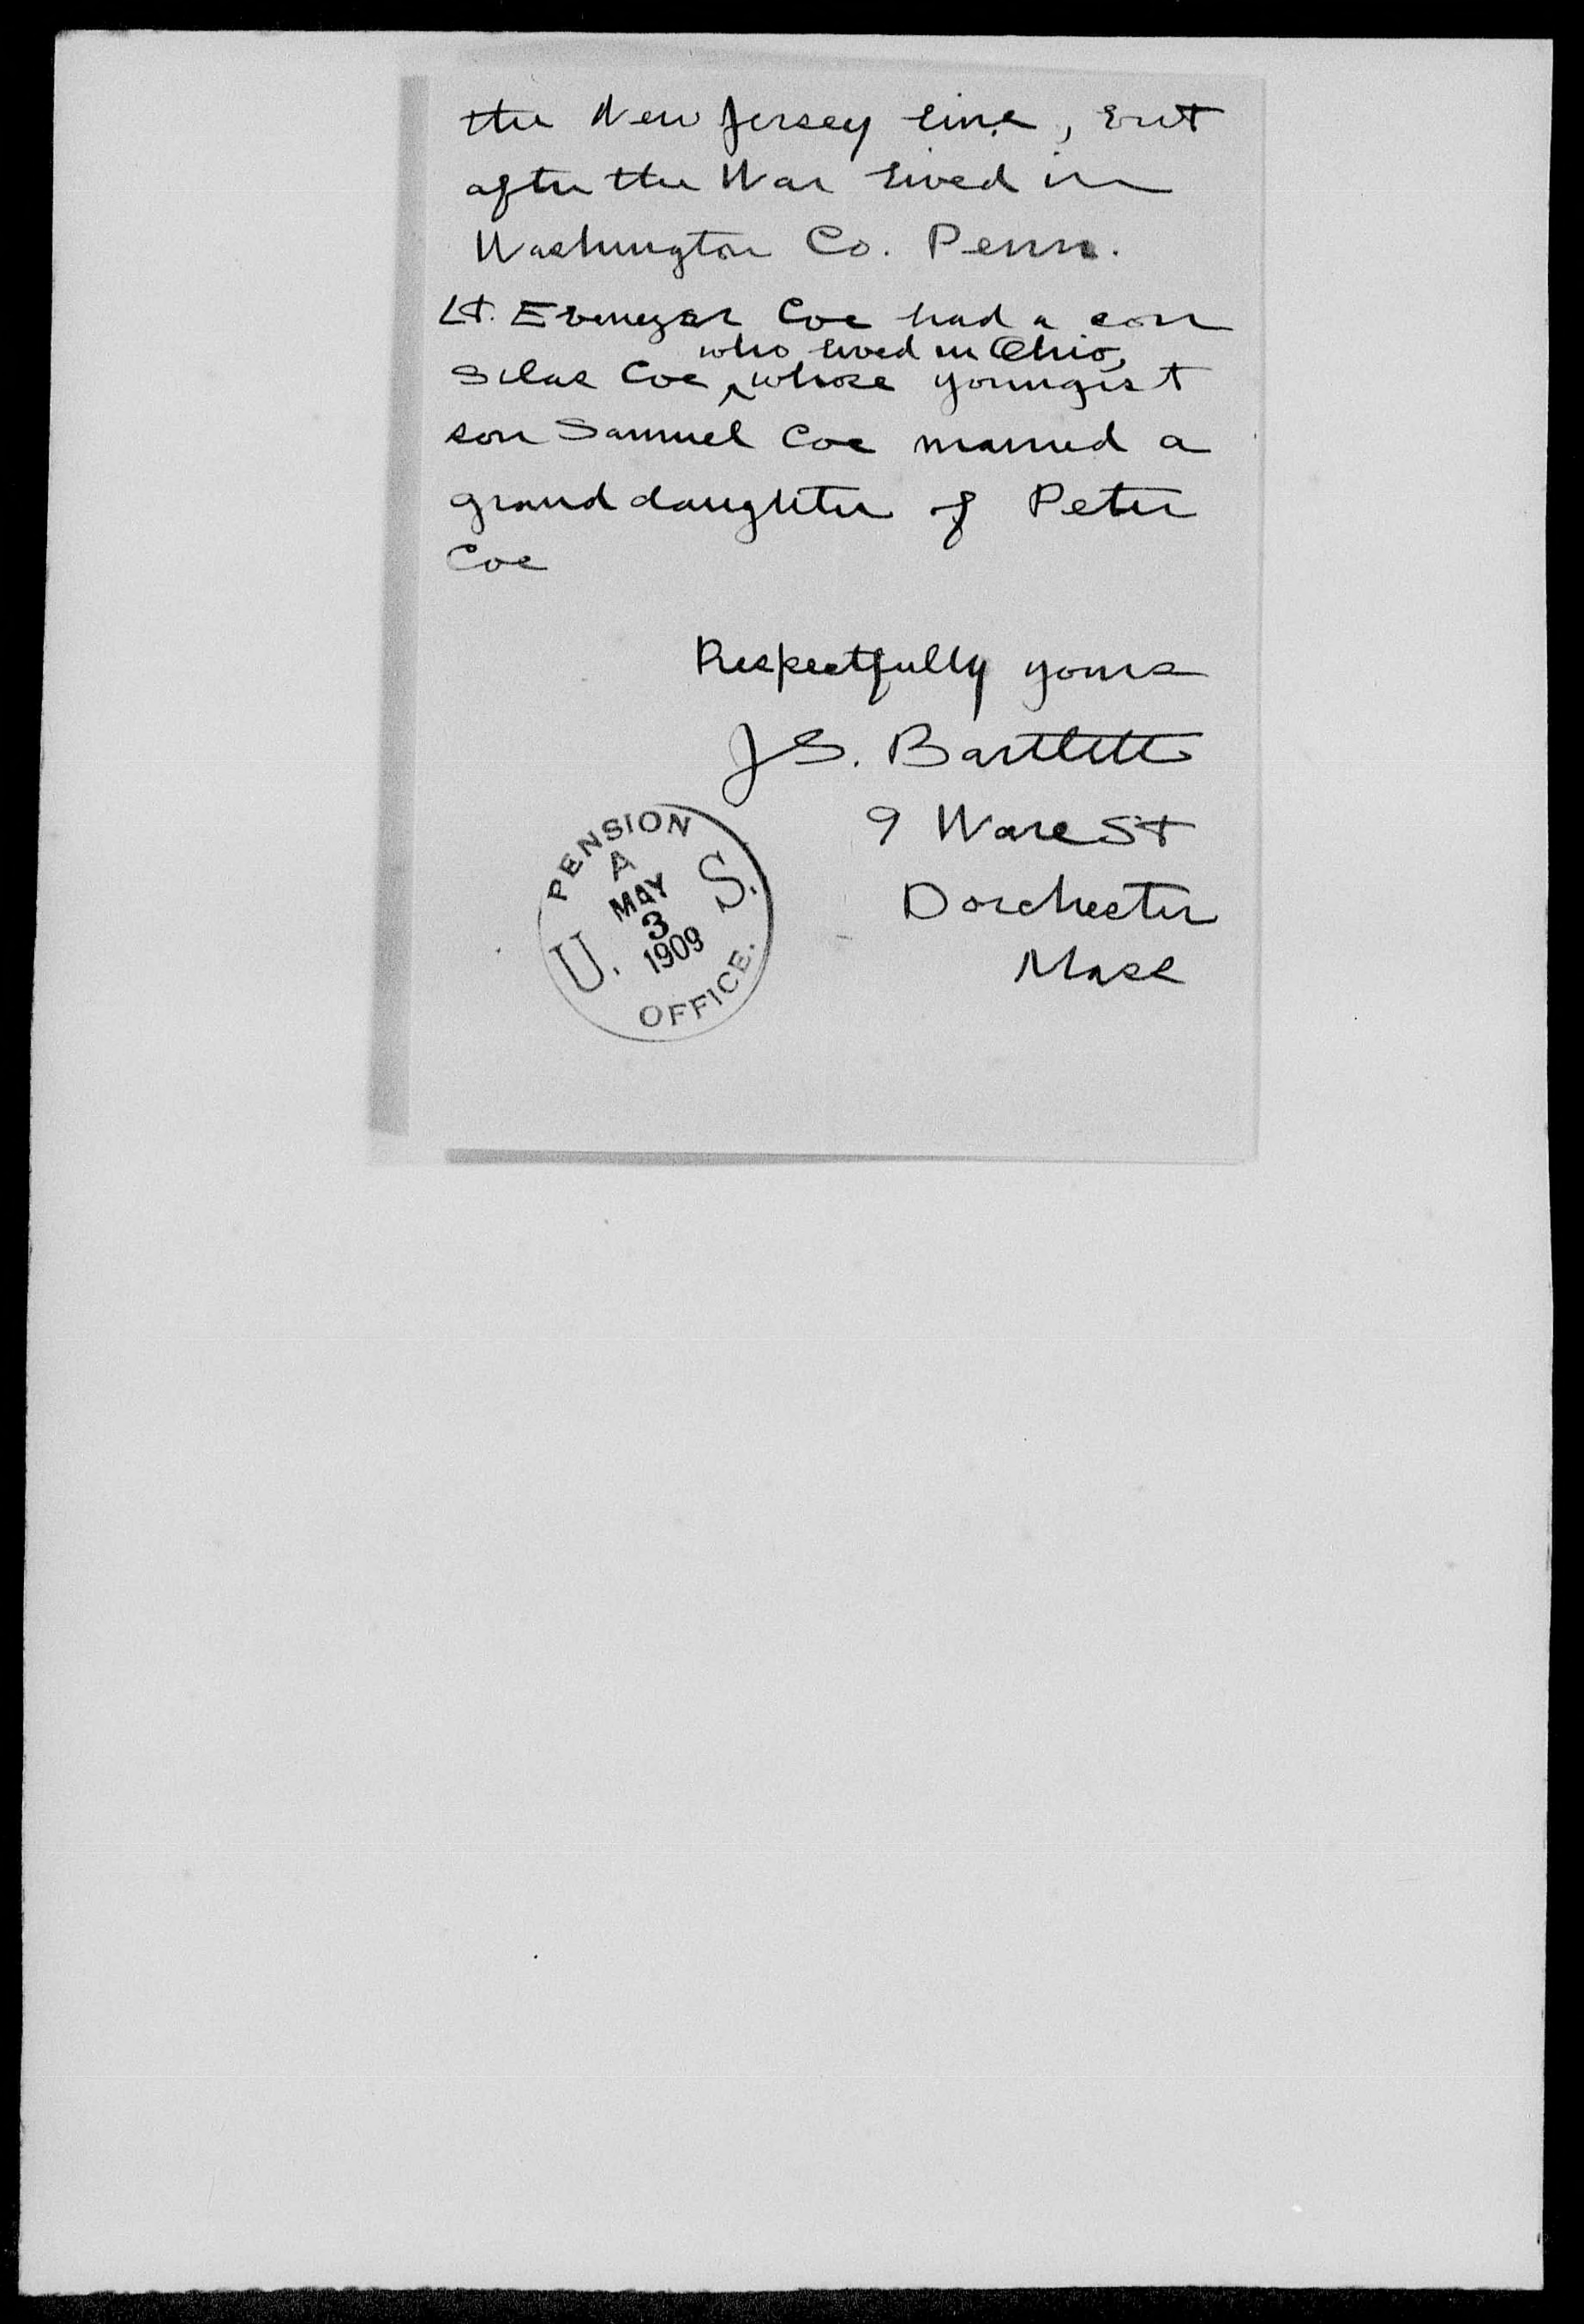the New Jersey line, [illegible] after the War lived in Washington Co. Penn. 
Lt. Ebenezer Coe had a son Silas Coe who lived in Ohio whose youngest son Samuel Coe married a granddaughter of Peter Coe
Respectfully yours
JS. Bartlett
9 Ware St
Dorchester Mass
[Stamp] PENSION A U.S. OFFICE. MAY 3 1909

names: J S Bartlett, Samuel Coe, Silas Coe, Peter Coe, Ebenezer Coe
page: 19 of 23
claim: survivor's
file: S. 3167, Peter Coe, New Jersey Penn.